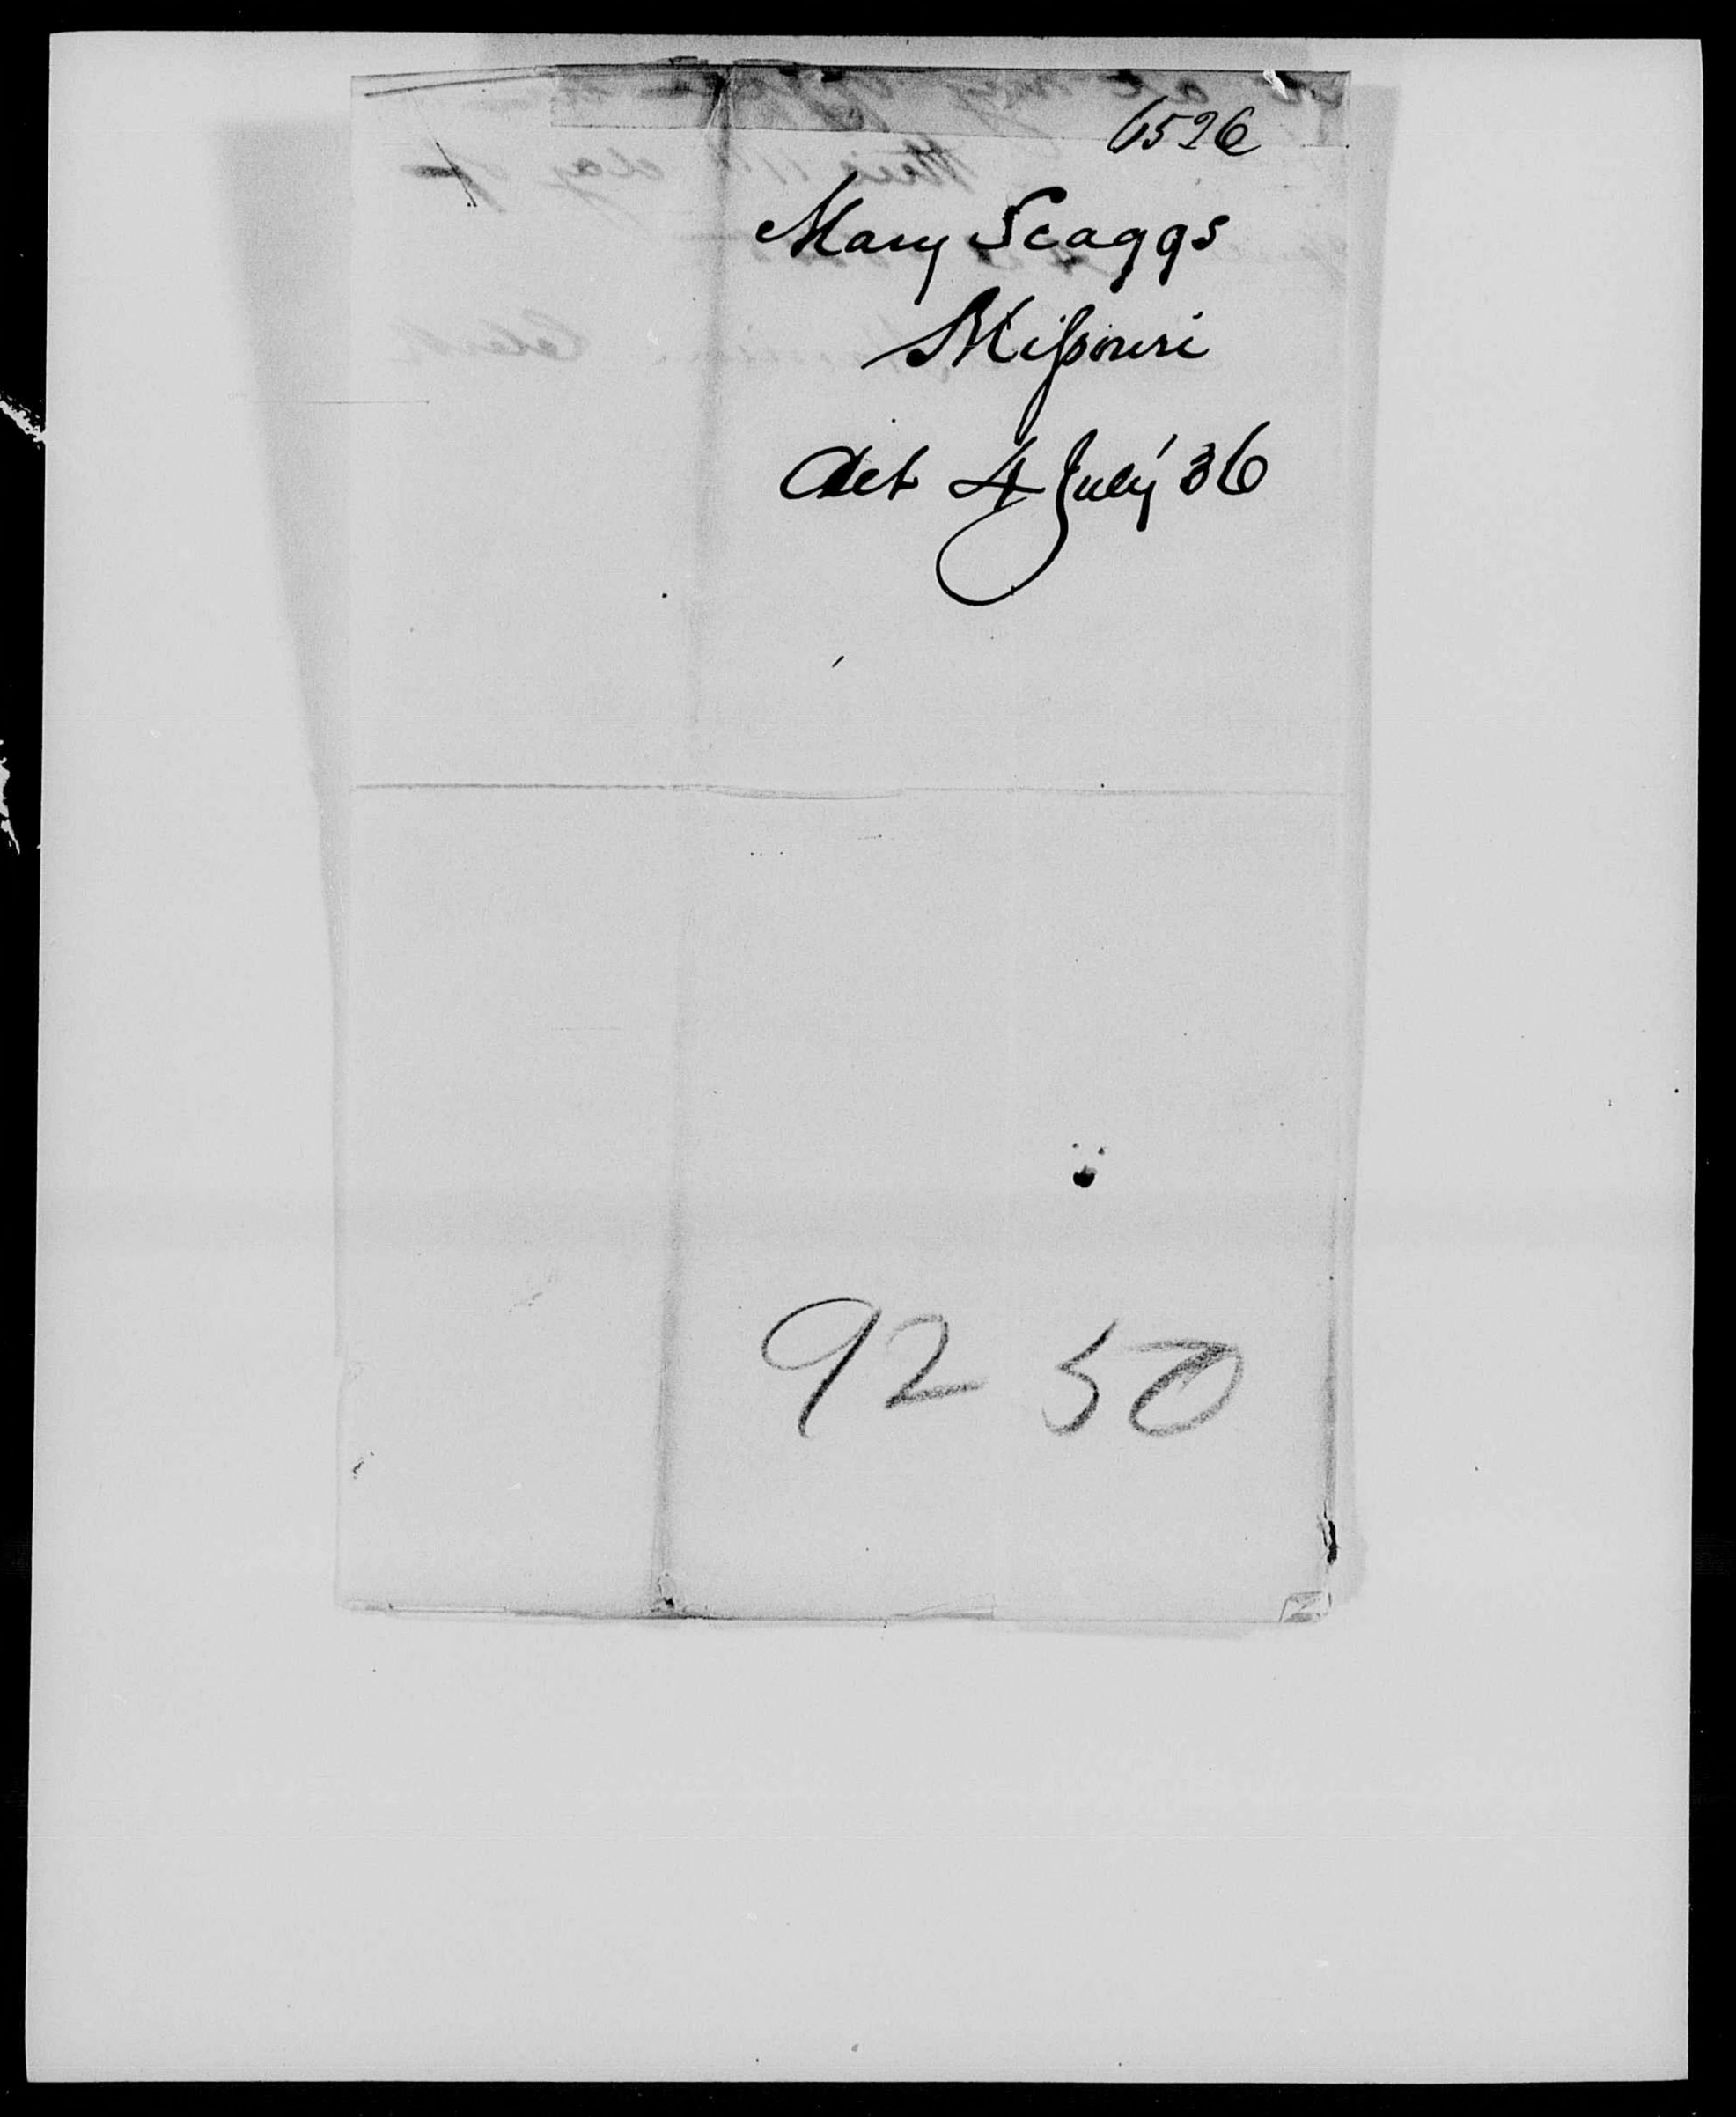6526
Mary Scagga
Missouri
Act 4 July '36

9250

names: Mary Scaggs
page: 12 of 16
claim: rejected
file: R. 9,250, Fletcher Edwards, S.C.